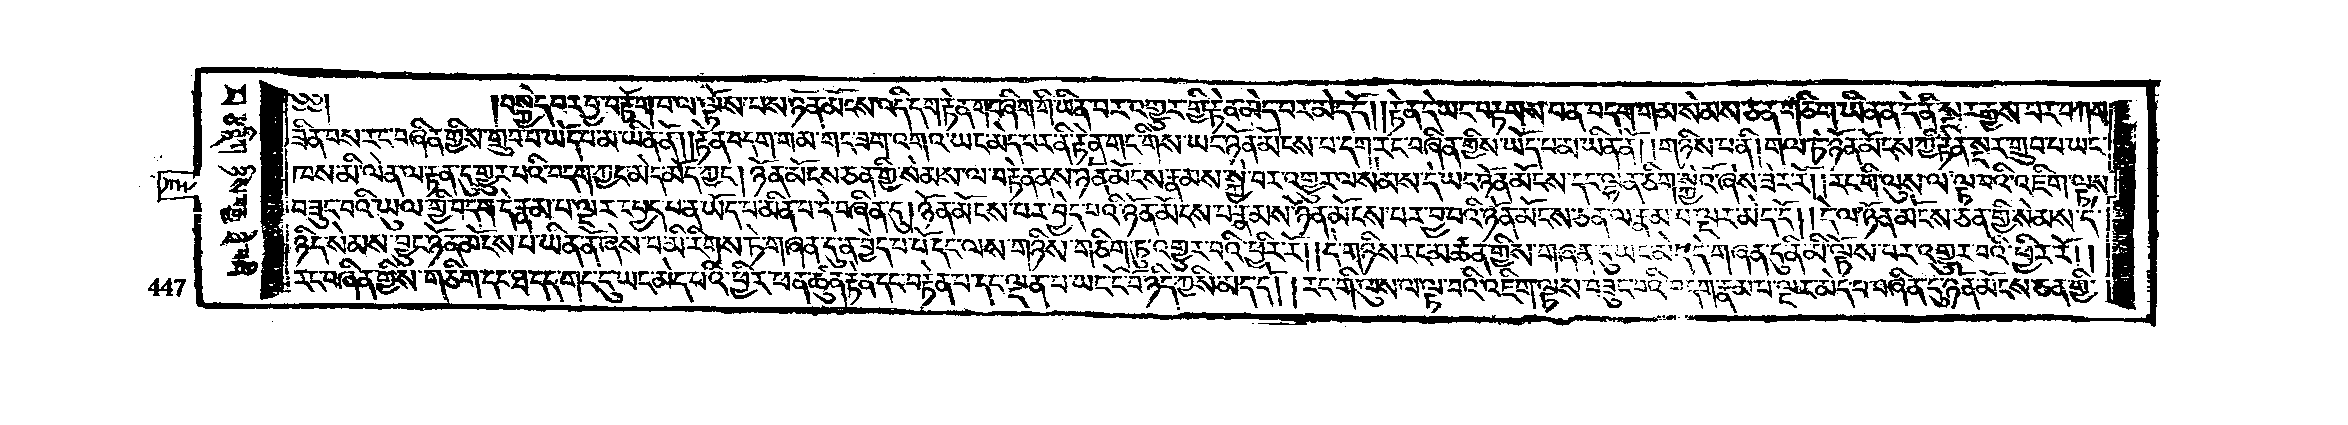༄༅། །བསྐྱེད་པར་བྱ་བ་རྟོག་པ་ལ་ལྟོས་པས་ཉོན་མོངས་འདི་དག་རྟེན་གང་ཞིག་གི་ཡིན་པར་འགྱུར་གྱི་རྟེན་མེད་པར་མེད་དོ། །རྟེན་དེ་ཡང་བརྟགས་པན་བདག་གམ་སེམས་ཅན་གཅིག་ཡིན་ན་དེ་ནི་སྔར་རྒྱས་པར་བཀག་
ཟིན་པས་རང་བཞིན་གྱིས་གྲུབ་པ་ཡོད་པ་མ་ཡིན་ནོ། །རྟེན་བདག་གམ་གང་ཟག་འགའ་ཡང་མེད་པར་ནི་རྟེན་གང་གིས་ཡང་ཉོན་མོངས་པ་དག་རང་བཞིན་གྱིས་ཡོད་པ་མ་ཡིན་ནོ། །གཉིས་པ་ནི། གལ་ཏེ་ཉོན་མོངས་ཀྱི་རྟེན་སྔར་གྲུབ་པ་ཡང་
ཁས་མི་ལེན་ལ་རྟེན་དུ་གྱུར་པའི་བདག་ཀྱང་མེད་མོད་ཀྱང་། ཉོན་མོངས་ཅན་གྱི་སེམས་ལ་བརྟེན་ནས་ཉོན་མོངས་རྣམས་སྐྱེ་བར་འགྱུར་ལ་སེམས་དེ་ཡང་ཉོན་མོངས་དང་ལྷན་ཅིག་སྐྱེའོ་ཞེས་ཟེར་རོ། །རང་གི་ལས་ལ་ལྟ་བའི་འཇིག་ལྟས་
བཟུང་བའི་ཡུལ་གྱི་བདག་དེ་རྣམ་པ་ལྟར་དཔྱད་པ་ན་ཡོད་པ་མིན་པ་དེ་བཞིན་དུ། ཉོན་མོངས་པར་བྱེད་པའི་ཉོན་མོངས་པ་རྣམས་ཉོན་མོངས་པར་བྱ་བའི་ཉོན་མོངས་ཅན་ལ་རྣམ་པ་ལྔར་མེད་དོ། །དེ་ལ་ཉོན་མོངས་ཅན་གྱི་སེམས་དེ་
ཉིད་སེམས་བྱུང་ཉོན་མོངས་པ་ཡིན་ནོ་ཞེས་པ་མི་རིགས་ཏེ་གཞན་དུ་ན་བྱེད་པ་པོ་དང་ལས་གཉིས་གཅིག་ཏུ་འགྱུར་བའི་ཕྱིར་རོ། །དེ་གཉིས་རང་མཚན་གྱིས་གཞན་དུ་ཡང་མེད་དེ་གཞན་དུ་ནི་མི་ལྟོས་པར་འགྱུར་བའི་ཕྱིར་རོ། །
རང་བཞིན་གྱིས་གཅིག་དང་ཐ་དད་གང་དུ་ཡང་མེད་པའི་ཕྱིར་ཕན་ཚུན་རྟེན་དང་བརྟེན་པ་དང་ལྡན་པ་ཡང་ངོ་བོ་ཉིད་ཀྱིས་མེད་དོ། །རང་གི་ལུས་ལ་ལྟ་བའི་འཇིག་ལྟས་བཟུང་བའི་བདག་རྣམ་པ་ལྔར་མེད་པ་བཞིན་དུ་ཉོན་མོངས་ཅན་གྱི་